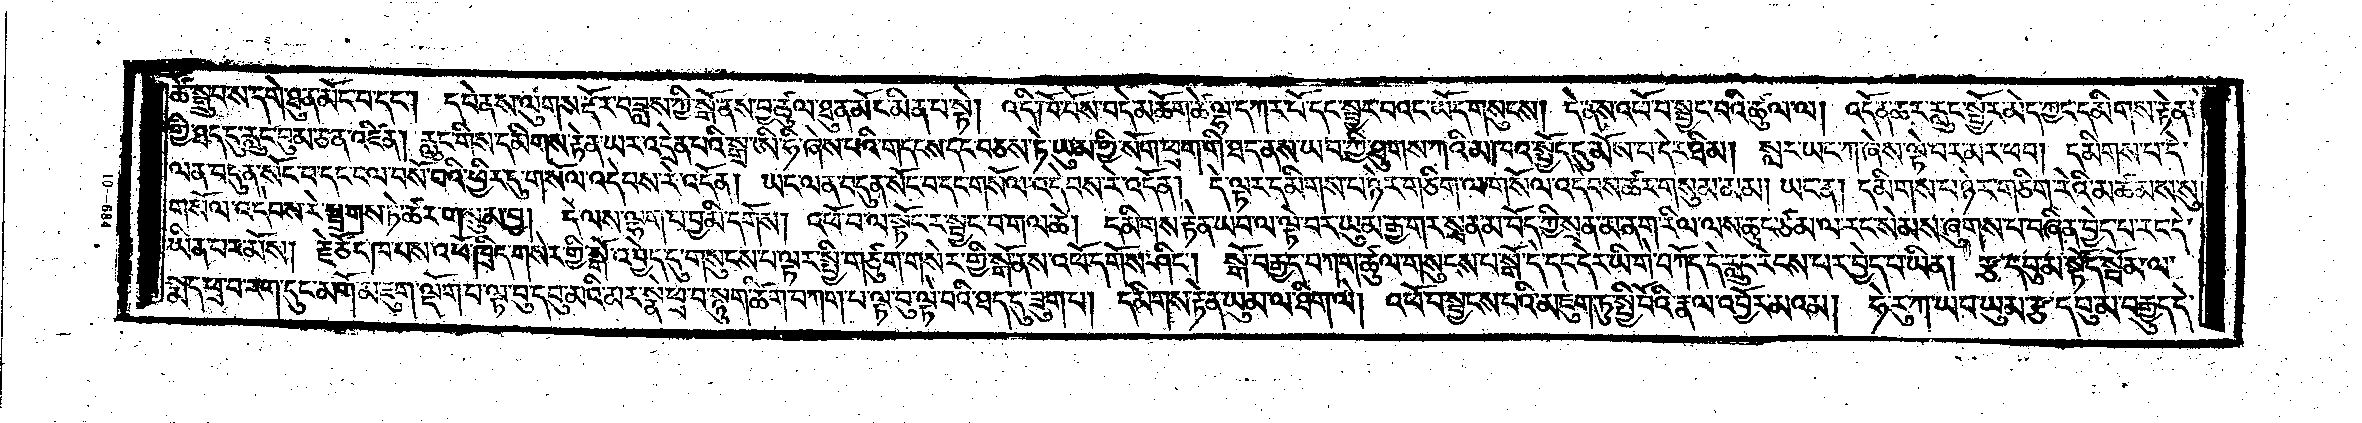ཚེ་སྒྲུབས་དགེ་ཐུན་མོང་བ་དང་། དབེ་ནས་ལུགས་རྡོར་བཟླས་ཀྱི་སྒོ་ནས་བྱ་ཚུལ་ཐུན་མོང་མིན་པ་སྟེ། འདི་ཁོ་བོས་བདེ་མཆོག་ཚེ་ལྷ་དཀར་པོ་དང་སྦྱར་བའང་ཡོད་གསུངས། དེ་ནས་འཕོ་བ་སྦྱང་བའི་ཚུལ་ལ། འདོན་ཆར་རླུང་སྦྱོར་མེད་ཀྱང་དམིགས་རྟེན་
གྱི་ཐད་དུ་རླུང་བུམ་ཅན་འཛིན། རླུང་གིས་དམིགས་རྟེན་ཡར་འདྲེན་པའི་སྒྲ་ཨི་ཧི་ཞེས་པའི་གདངས་དང་བཅས་ཏེ་ཡུམ་གྱི་སོག་ཕྲག་གི་ཐད་ནས་ཡབ་ཀྱི་ཐུགས་ཀའི་མཁའ་སྤྱོད་དུ་མོས་པ་དེར་ཐིམ། སླར་ཡང་ཀ་ཞེས་ལྟེ་བར་མར་ཕབ། དམིགས་པ་དེ་
ལན་བདུན་སོང་བ་དང་ངལ་བསོ་བའི་ཕྱིར་དུ་གསོལ་འདེབས་རེ་འདོན། ཡང་ལན་བདུན་སོང་བ་དང་གསོལ་འདེབས་རེ་འདོན། དེ་ལྟར་དམིགས་པ་ཉེར་གཅིག་ལ་གསོལ་འདེབས་ཚར་གསུམ་མམ། ཡང་ན། དམིགས་པ་ཉེར་གཅིག་རེའི་མཚམས་སུ་
གསོལ་འདེབས་རེ་སྦྲགས་རེ་ཚར་གསུམ་བྱ། དེ་ལས་ལྷག་པ་བྱ་མི་དགོས། འཕོ་བ་ལ་སྟོང་ར་སྦྱང་བ་གལ་ཆེ། དམིགས་རྟེན་ཡབ་ལ་ལྟེ་བར་ཡུམ་རྒྱ་གར་སྲན་མ་བོད་ཀྱི་སྲན་མ་ནག་རིལ་ལས་ཆུང་ཙམ་ལ་རང་སེམས་ཞུགས་པ་བཞིན་བྱེད་པ་རང་དེ་
ཡིན་པར་མོས། རྗེ་ཙོང་ཁ་པས་འཕོ་ཁྲིད་གསེར་གྱི་སྒོ་འབྱེད་དུ་གསུངས་པ་ལྟར་སྤྱི་གཙུག་གསེར་གྱི་སྒོ་ནས་འཕོ་དགོས་ཤིང་། སྒོ་བརྒྱད་བཀག་ཚུལ་གསུངས་པ་སྒོ་དེ་དང་དེར་ཡི་གེ་བཀོད་དེ་རླུང་རངས་པར་བྱེད་པ་ཡིན། རྩ་དབུ་མ་སྟོད་སྦོམ་ལ་
སྨད་ཕྲ་བ་རག་དུང་མགོ་མཇུག་ལྡོག་པ་ལྟ་བུ་དབུ་མའི་མར་སྣེ་ཕྲ་བ་སྙུག་ཚིག་བཀག་པ་ལྟ་བུ་ལྟེ་བའི་ཐད་དུ་ཟུག་པ། དམིགས་རྟེན་ཡུམ་ལ་ཐིག་ལེ། འཕོ་བ་སྦྱངས་བའི་མཇུག་ཏུ་སྤྱི་བོའི་རྣལ་འབྱོར་མའམ། ཧེ་རུ་ཀ་ཡབ་ཡུམ་རྩ་དབུ་མ་བརྒྱུད་དེ་